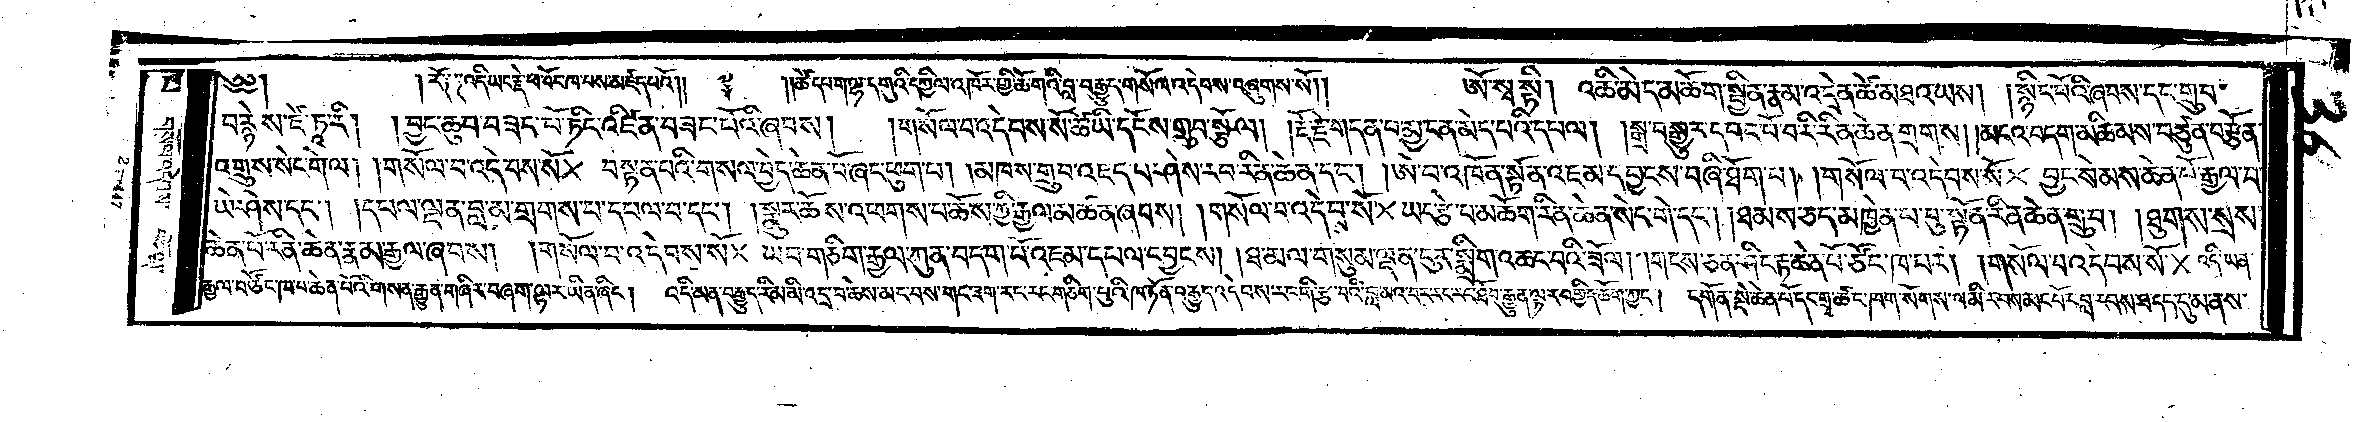༄༅། །རོ༑ ༑འདི་ཡང་རྗེ་ཕ་བོང་ཁ་པས་མཛད་པའོ།། ༈ །།ཚེ་དཔག་ལྷ་དགུའི་དཀྱིལ་འཁོར་གྱི་ཆོ་གའི་བླ་བརྒྱུད་གསོལ་འདེབས་བཞུགས་སོ།།  ཨོ་སྭ་སྟི། འཆི་མེད་མཆོག་སྦྱིན་རྣམ་འདྲེན་ཚེ་མཐའ་ཡས། །སྙིང་པོའི་ཞབས་དང་གྲུབ་
བརྙེས་ཛེ་ཏཱ་རི། །བྱང་ཆུབ་བཟང་པོ་ཏིང་འཛིན་བཟང་པོའི་ཞབས། །གསོལ་བ་འདེབས་སོ་ཚེ་ཡི་དངོས་གྲུབ་སྩོལ། །རྡོ་རྗེ་གདན་པ་མྱ་ངན་མེད་པའི་དཔལ། །སྒྲ་བསྒྱུར་དབང་པོ་བ་རི་རིན་ཆེན་གྲགས། །མངའ་བདག་མཆིམས་བཙུན་བརྩོན་
འགྲུས་སེང་གེ་ལ། །གསོལ་བ་འདེབས་སོ་྾་བསྟན་པའི་གསལ་བྱེད་ཆེན་པོ་ཞང་ཕུག་པ། །མཁས་གྲུབ་འཇད་པ་ཤེས་རབ་རིན་ཆེན་དང་། །ཨེ་པ་འཁོན་སྟོན་འཇམ་དབྱངས་བཞི་ཐོག་པ། །གསོལ་བ་འདེབས་སོ་྾་བྱང་སེམས་ཆེན་པོ་རྒྱལ་བ་
ཡེ་ཤེས་དང་། །དཔལ་ལྡན་བླ་མ་གྲགས་པ་དཔལ་བ་དང་། །སྣུར་ཆོས་འཕགས་པ་ཆོས་ཀྱི་རྒྱལ་མཚན་ཞབས། །གསོལ་བ་འདེབས་སོ་྾་ཡང་རྩེ་བ་མཆོག་རིན་ཆེན་སེང་གེ་དང་། །ཐམས་ཅད་མཁྱེན་པ་བུ་སྟོན་རིན་ཆེན་གྲུབ། །ཐུགས་སྲས་
ཆེན་པོ་རིན་ཆེན་རྣམ་རྒྱལ་ཞབས། །གསོལ་བ་འདེབས་སོ་྾་ཡབ་གཅིག་རྒྱལ་ཀུན་བདག་པོ་འཇམ་དཔལ་དབྱངས། །ཐ་མལ་གསུམ་ལྡན་ངུར་སྨྲིག་འཆང་བའི་ཟོལ། །གངས་ཅན་ཤིང་རྟ་ཆེན་པོ་ཙོང་ཁ་པར། །གསོལ་བ་འདེབས་སོ་྾་འདི་ཡན་
རྒྱལ་བ་ཙོང་ཁ་པ་ཆེན་པོའི་གསན་རྒྱུན་གཞིར་བཞག་ལྟར་ཡིན་ཞིང་། འདི་མན་བརྒྱུད་རིམ་མི་འདྲ་བ་ཆེས་མང་བས་གང་ཟག་རང་རང་གཅིག་པུའི་ཁ་ཏོན་བརྒྱུད་འདེབས་རང་གི་རྩ་བའི་བླ་མའི་བར་རང་རང་ཐོབ་རྒྱུན་ལྟར་བགྱིད་ཆོག་ཀྱང་། དགོན་སྡེ་ཆེན་པོ་དང་གྲྭ་ཚང་ཁག་སོགས་ལ་མི་རབས་མང་པོར་བླ་རབས་ཐ་དད་དུ་མ་ནས་